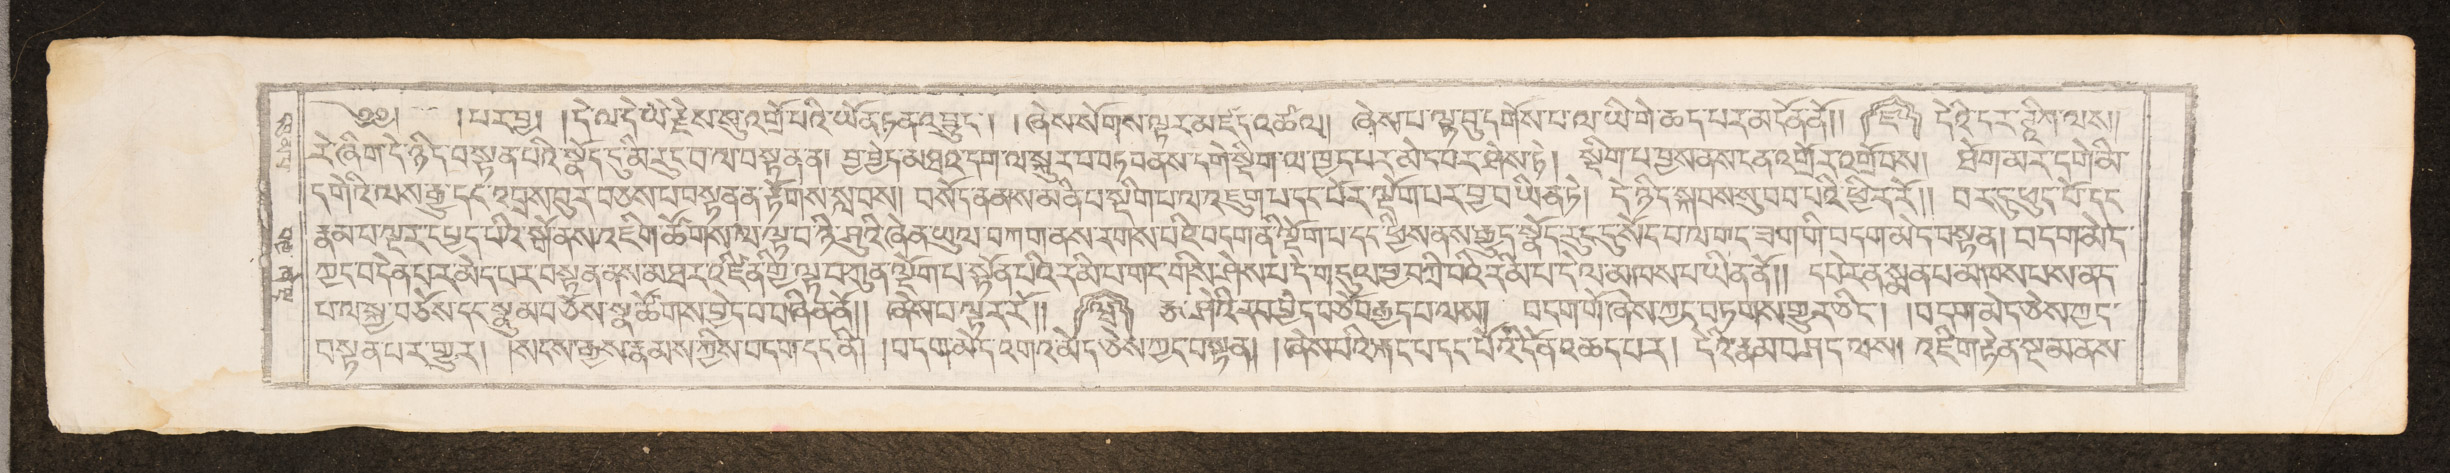༄༅། །པར་བྱ། །དེ་ལ་དེ་ཡི་རྗེས་སུ་འགྲོ་བའི་ཡོན་ཏན་འབྱུང་། །ཞེས་སོགས་ལྟར་མཛད་འཚལ། ཞེས་པ་ལྟ་བུ་དགོས་པ་ལ་ཡི་གེ་ཆད་པར་མངོན་ནོ།། ༼༽ཛ༼༽ དེའི་དར་ཊཱིཀ་ལས།
རེ་ཞིག་དེ་ཉིད་བསྟན་པའི་སྣོད་དུ་མི་རུང་བ་ལ་བསྟན་ན། བྱ་བྱེད་མཐའ་དག་ལ་སྐུར་བ་བཏག་ནས་དགེ་སྡིག་ལ་ཁྱད་པར་མེད་པར་ཤེས་ཏེ། སྡིག་པ་བྱས་ནས་ངན་འགྲོར་འགྲོ་བས། ཐོག་མར་དགེ་མི་
དགེའི་ལས་རྒྱུ་དང་འབྲས་བུར་བཅས་པ་བསྟན་ན་རྟོགས་སླབས། བསོད་ནམས་མིན་པ་སྡིག་པ་ལ་འཇུག་པ་དང་པོར་ལྡོག་པར་བྱ་བ་ཡིན་ཏེ། དེ་ཉིད་སྐབས་སུ་བབ་པའི་ཕྱིར་རོ།། བར་དུ་ཕུང་པོ་དང་
རྣམ་པ་ལྔར་དྶྤད་པའི་སྒོ་ནས་འཇིག་ཚོགས་ལ་ལྟ་བ་ཉི་ཤུའི་ཞེན་ཡུལ་བཀག་ནས་རགས་པའི་བདག་ནི་ལྡོག་པ་དང་ཕྱིས་ནས་རྒྱུད་སྣོང་རུང་དུ་སོང་བ་ལ་གང་ཟག་གི་བདག་མེད་བསྟན། བདག་མེད་
ཀྱང་བདེན་པར་མེད་པར་བསྟན་ནས་མཐར་འཛིན་གྱི་ལྟ་བ་ཀུན་ལྔར་པ་སྟོན་པ་གང་གིས་ཤེས་པ་དེ་གདུལ་བྱ་བཀྲི་བའི་རིམ་པ་དེ་ལ་མཁས་པ་ཡིན་ནོ།། དཔེར་ན་སྨན་པ་མཁས་པས་ནད་
པ་ལ་སྐྱ་བཅོས་དང་སྣུམ་བཅོས་ནས་ཚོགས་བྱེད་པ་བཞིན་ནོ།། ཞེས་པ་ལྟར་རོ།། ༼༽ཝ༼༽ རྩ་ཤེའི་རབ་བྱེད་བཅོ་བརྒྱད་པ་ལས། བདག་གོ་ཞེས་ཀྱང་བཏགས་གྱུར་ཅིང་། །བདག་མེད་ཅེས་ཀྱང་
བསྟན་པར་གྱུར། །སངས་རྒྱས་རྣམས་ཀྱིས་བདག་དང་ནི། །བདག་མེད་འགའ་མེད་ཅེས་ཀྱང་བསྟན། །ཞེས་པའི་རྐང་པ་དང་པོའི་དོན་འཆད་པར། དེའི་རྣམ་བཤད་ལས། འཇིག་རྟེན་སྔ་མ་ནས་